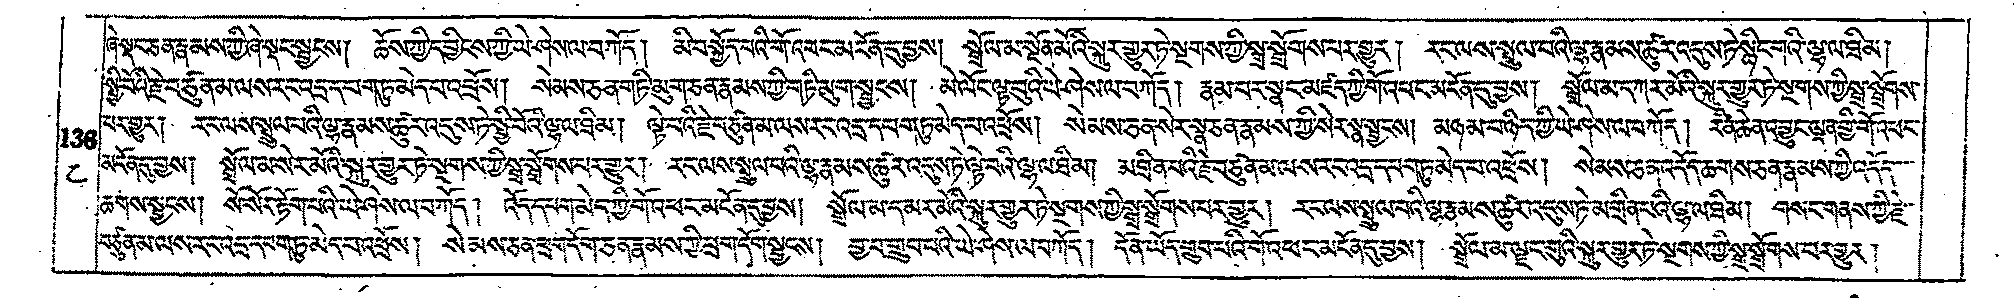ཞེ་སྡང་ཅན་རྣམས་ཀྱི་ཞེ་སྡང་སྦྱངས། ཆོས་ཀྱི་དབྱིངས་ཀྱི་ཡེ་ཤེས་ལ་བཀོད། མི་བསྐྱོད་པའི་གོ་འཕང་མངོན་དུ་བྱས། སྒྲོལ་མ་སྔོན་མོའི་སྐུར་གྱུར་ཏེ་སྔགས་ཀྱི་སྒྲ་སྒྲོགས་པར་གྱུར། རང་ལས་སྤྲུལ་པའི་ལྷ་རྣམས་ཚུར་འདུས་ཏེ་སྙིང་གའི་ལྷ་ལ་ཐིམ།
སྤྱི་བོའི་རྗེ་བཙུན་མ་ལས་རང་འདྲ་དཔག་ཏུ་མེད་པ་འཕྲོས། སེམས་ཅན་གཏི་མུག་ཅན་རྣམས་ཀྱི་གཏི་མུག་སྦྱངས། མེ་ལོང་ལྟ་བུའི་ཡེ་ཤེས་ལ་བཀོད། རྣམ་པར་སྣང་མཛད་ཀྱི་གོ་འཕང་མངོན་དུ་བྱས། སྒྲོལ་མ་དཀར་མོའི་སྐུར་གྱུར་ཏེ་སྔགས་ཀྱི་སྒྲ་སྒྲོགས་
པར་གྱུར། རང་ལས་སྤྲུལ་པའི་ལྷ་རྣམས་ཚུར་འདུས་ཏེ་སྤྱི་བོའི་ལྷ་ལ་ཐིམ། ལྟེ་བའི་རྗེ་བཙུན་མ་ལས་རང་འདྲ་དཔག་ཏུ་མེད་པ་འཕྲོས། སེམས་ཅན་སེར་སྣ་ཅན་རྣམས་ཀྱི་སེར་སྣ་སྦྱངས། མཉམ་པ་ཉིད་ཀྱི་ཡེ་ཤེས་ལ་བཀོད། རིན་ཆེན་འབྱུང་ལྡན་གྱི་གོ་འཕང་
མངོན་དུ་བྱས། སྒྲོལ་མ་སེར་མོའི་སྐུར་གྱུར་ཏེ་སྔགས་ཀྱི་སྒྲ་སྒྲོགས་པར་གྱུར། རང་ལས་སྤྲུལ་པའི་ལྷ་རྣམས་ཚུར་འདུས་ཏེ་ལྟེ་བའི་ལྷ་ལ་ཐིམ། མགྲིན་པའི་རྗེ་བཙུན་མ་ལས་རང་འདྲ་དཔག་ཏུ་མེད་པ་འཕྲོས། སེམས་ཅན་འདོད་ཆགས་ཅན་རྣམས་ཀྱི་འདོད་་་
ཆགས་སྦྱངས། སོ་སོར་རྟོག་པའི་ཡེ་ཤེས་ལ་བཀོད། འོད་དཔག་མེད་ཀྱི་གོ་འཕང་མངོན་དུ་བྱས། སྒྲོལ་མ་དམར་མོའི་སྐུར་གྱུར་ཏེ་སྔགས་ཀྱི་སྒྲ་སྒྲོགས་པར་གྱུར། རང་ལས་སྤྲུལ་པའི་ལྷ་རྣམས་ཚུར་འདུས་ཏེ་མགྲིན་པའི་ལྷ་ལ་ཐིམ། གསང་གནས་ཀྱི་རྗེ་་་
བཙུན་མ་ལས་རང་འདྲ་དཔག་ཏུ་མེད་པ་འཕྲོས། སེམས་ཅན་ཕྲག་དོག་ཅན་རྣམས་ཀྱི་ཕྲག་དོག་སྦྱངས། བྱ་བ་གྲུབ་པའི་ཡེ་ཤེས་ལ་བཀོད། དོན་ཡོད་གྲུབ་པའི་གོ་འཕང་མངོན་དུ་བྱས། སྒྲོལ་མ་ལྗང་གུའི་སྐུར་གྱུར་ཏེ་སྔགས་ཀྱི་སྒྲ་སྒྲོགས་པར་གྱུར།